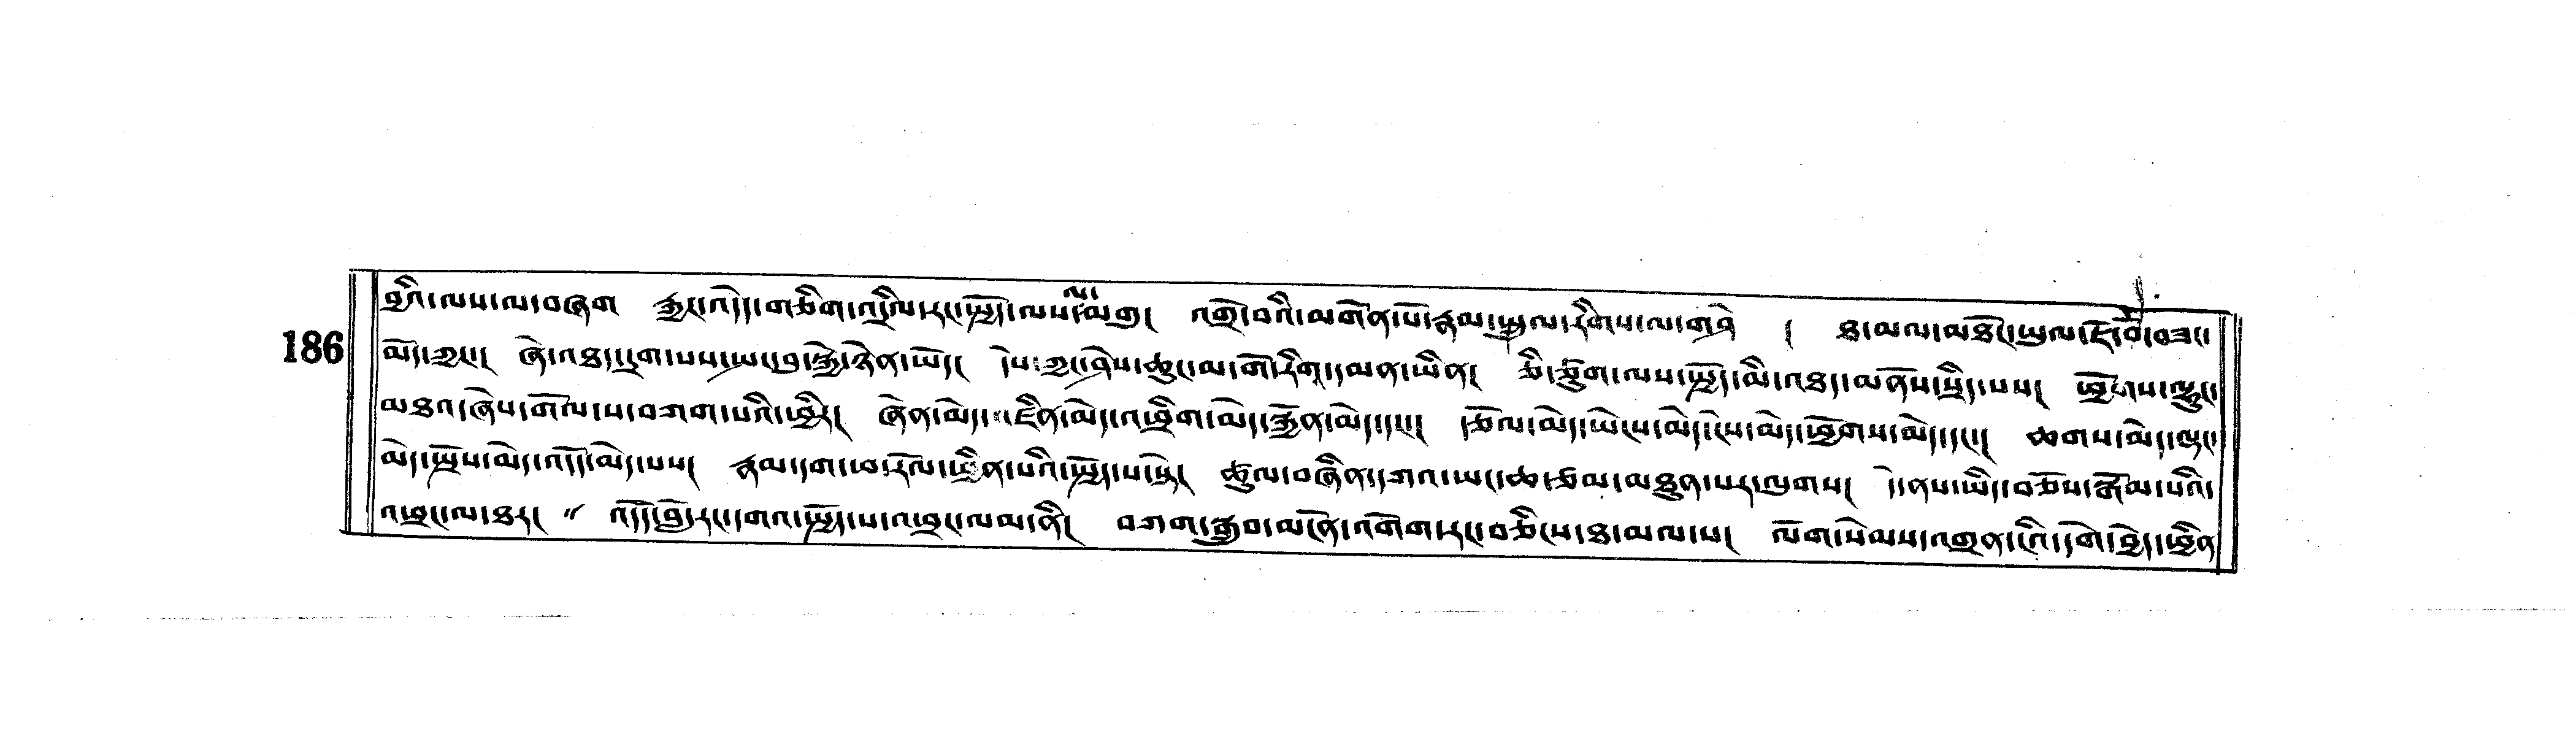བྱའི་ལས་ལ་བཞག། རྐྱང་འདེད་གཅིག་དྲིལ་རང་སྤྱོད་ལས་ལ་མགུ། འགྲོ་བའི་མགོན་པོ་རྣམ་སྤྲུལ་རིགས་ལ་གཤེ། ཐ་མལ་མཐོང་ཡུལ་ཇོ་བོ་བཟང་
མོད་ཀྱང་། ཞེ་འཐད་དྲག་པས་སྤང་བྱ་སྐྱེ་ཉེན་ཡོད། དེས་ཀྱང་ཤེས་ཆུང་མ་གོ་རིགས་དམན་ཡིན། ཅི་ཙུག་ལས་སྤྱོད་མི་འཐད་མནོས་སྲིད་པས། ཕྱོགས་ལྷུང་
མཐའ་ཞེས་གོལ་ས་བཀག་པའི་ཕྱིར། ཞེན་མེད་འཛིན་མེད་འཕྲིག་མེད་སྐྱོན་མེད་དང་། རྩོལ་མེད་ཡེངས་མེད་ངེས་མེད་ཕྱོགས་མེད་དང་། ཆགས་མེད་ལྡང་
མེད་སྤྲོས་མེད་འདོད་མེད་པས། རྣམ་དག་ཕ་རོལ་ཕྱིན་པའི་སྤྱོད་པ་སྟེ། ཚུལ་བཞིན་དཀའ་ཡང་ཆ་ཙམ་མཐུན་པར་ལུགས། དེ་ནས་ཡིད་བཅོས་སྒོམ་པའི་
འཕྲང་ལས་ཐར། ༧ འདོད་བློ་རང་དགའ་སྤྱོད་པ་འཕྲང་ལམ་ནི། བཀག་སྒྲུབ་མངོན་ལྐོག་རང་བཅིང་ཐ་མལ་པ། ལོག་སེམས་འགྲན་ངའི་དགེ་བྱེད་ཕྱིན་